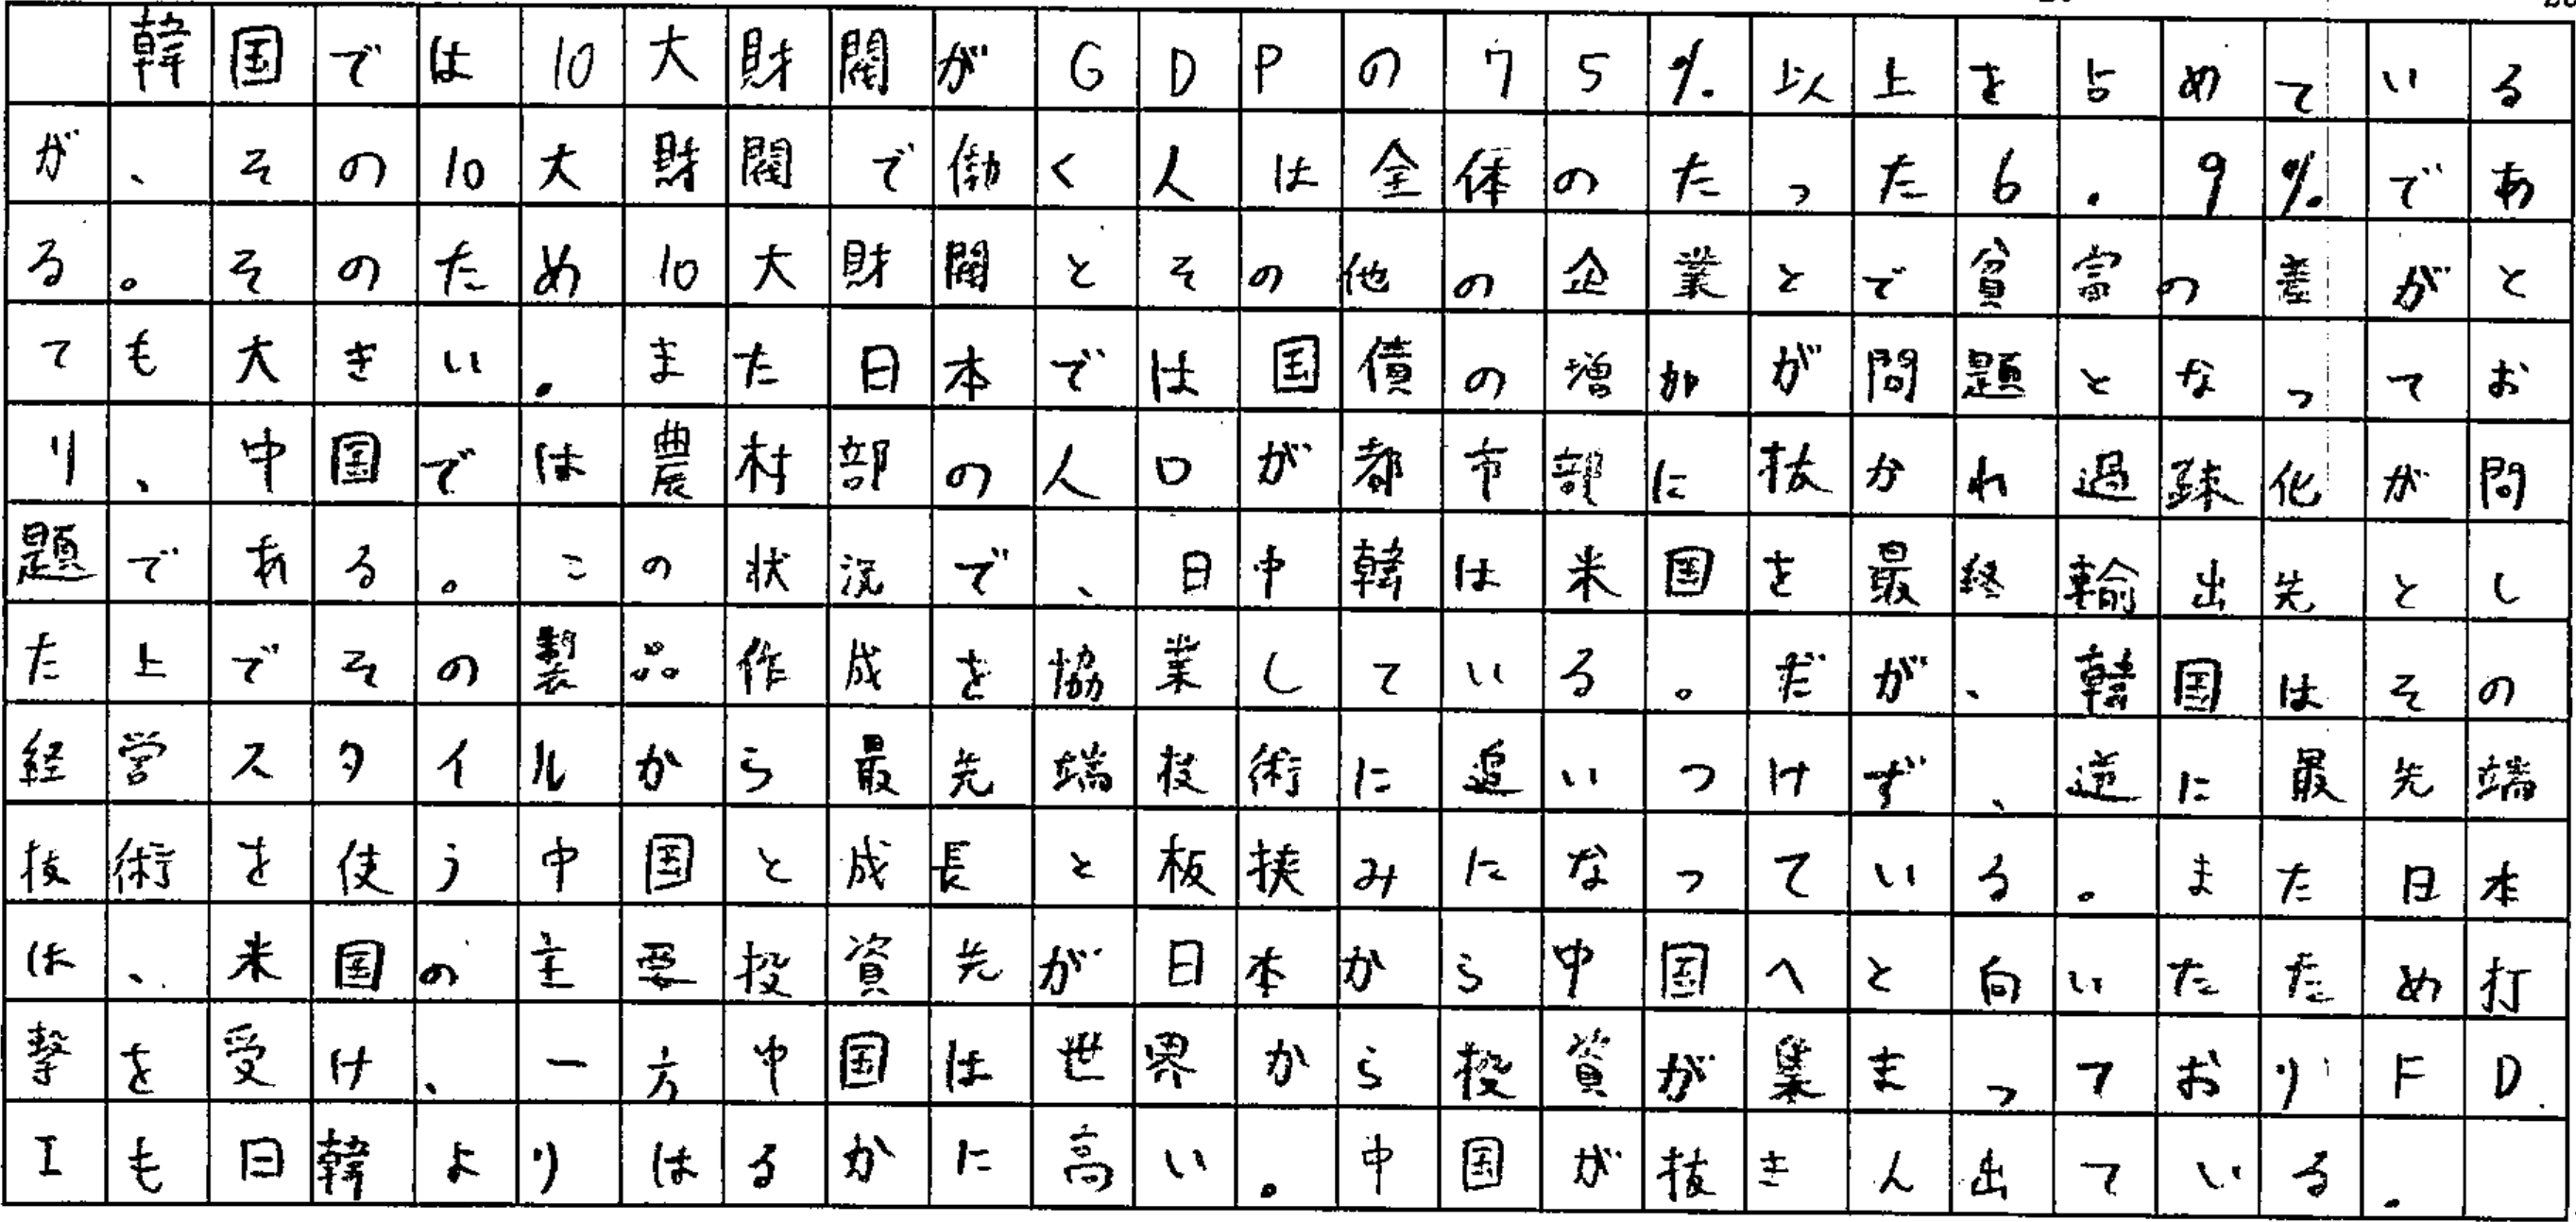　韓国では10大財閥がＧＤＰの７５％以上を占めているが、その10大財閥で働く人は全体のたった６．９％である。そのため10大財閥とその他の企業とで貧富の差がとても大きい。また日本では国債の増加が問題となっており、中国では農村部の人口が都市部に抜かれ過疎化が問題である。この状況で、日中韓は米国を最終輸出先とした上でその製品作成を協業している。だが、韓国はその経営スタイルから最先端技術に追いつけず、逆に最先端技術を使う中国と成長と板挟みになっている。また日本は、米国の主要投資先が日本から中国へと向いたため打撃を受け、一方中国は世界から投資が集まっておりＦＤＩも日韓よりはるかに高い。中国が抜きん出ている。
